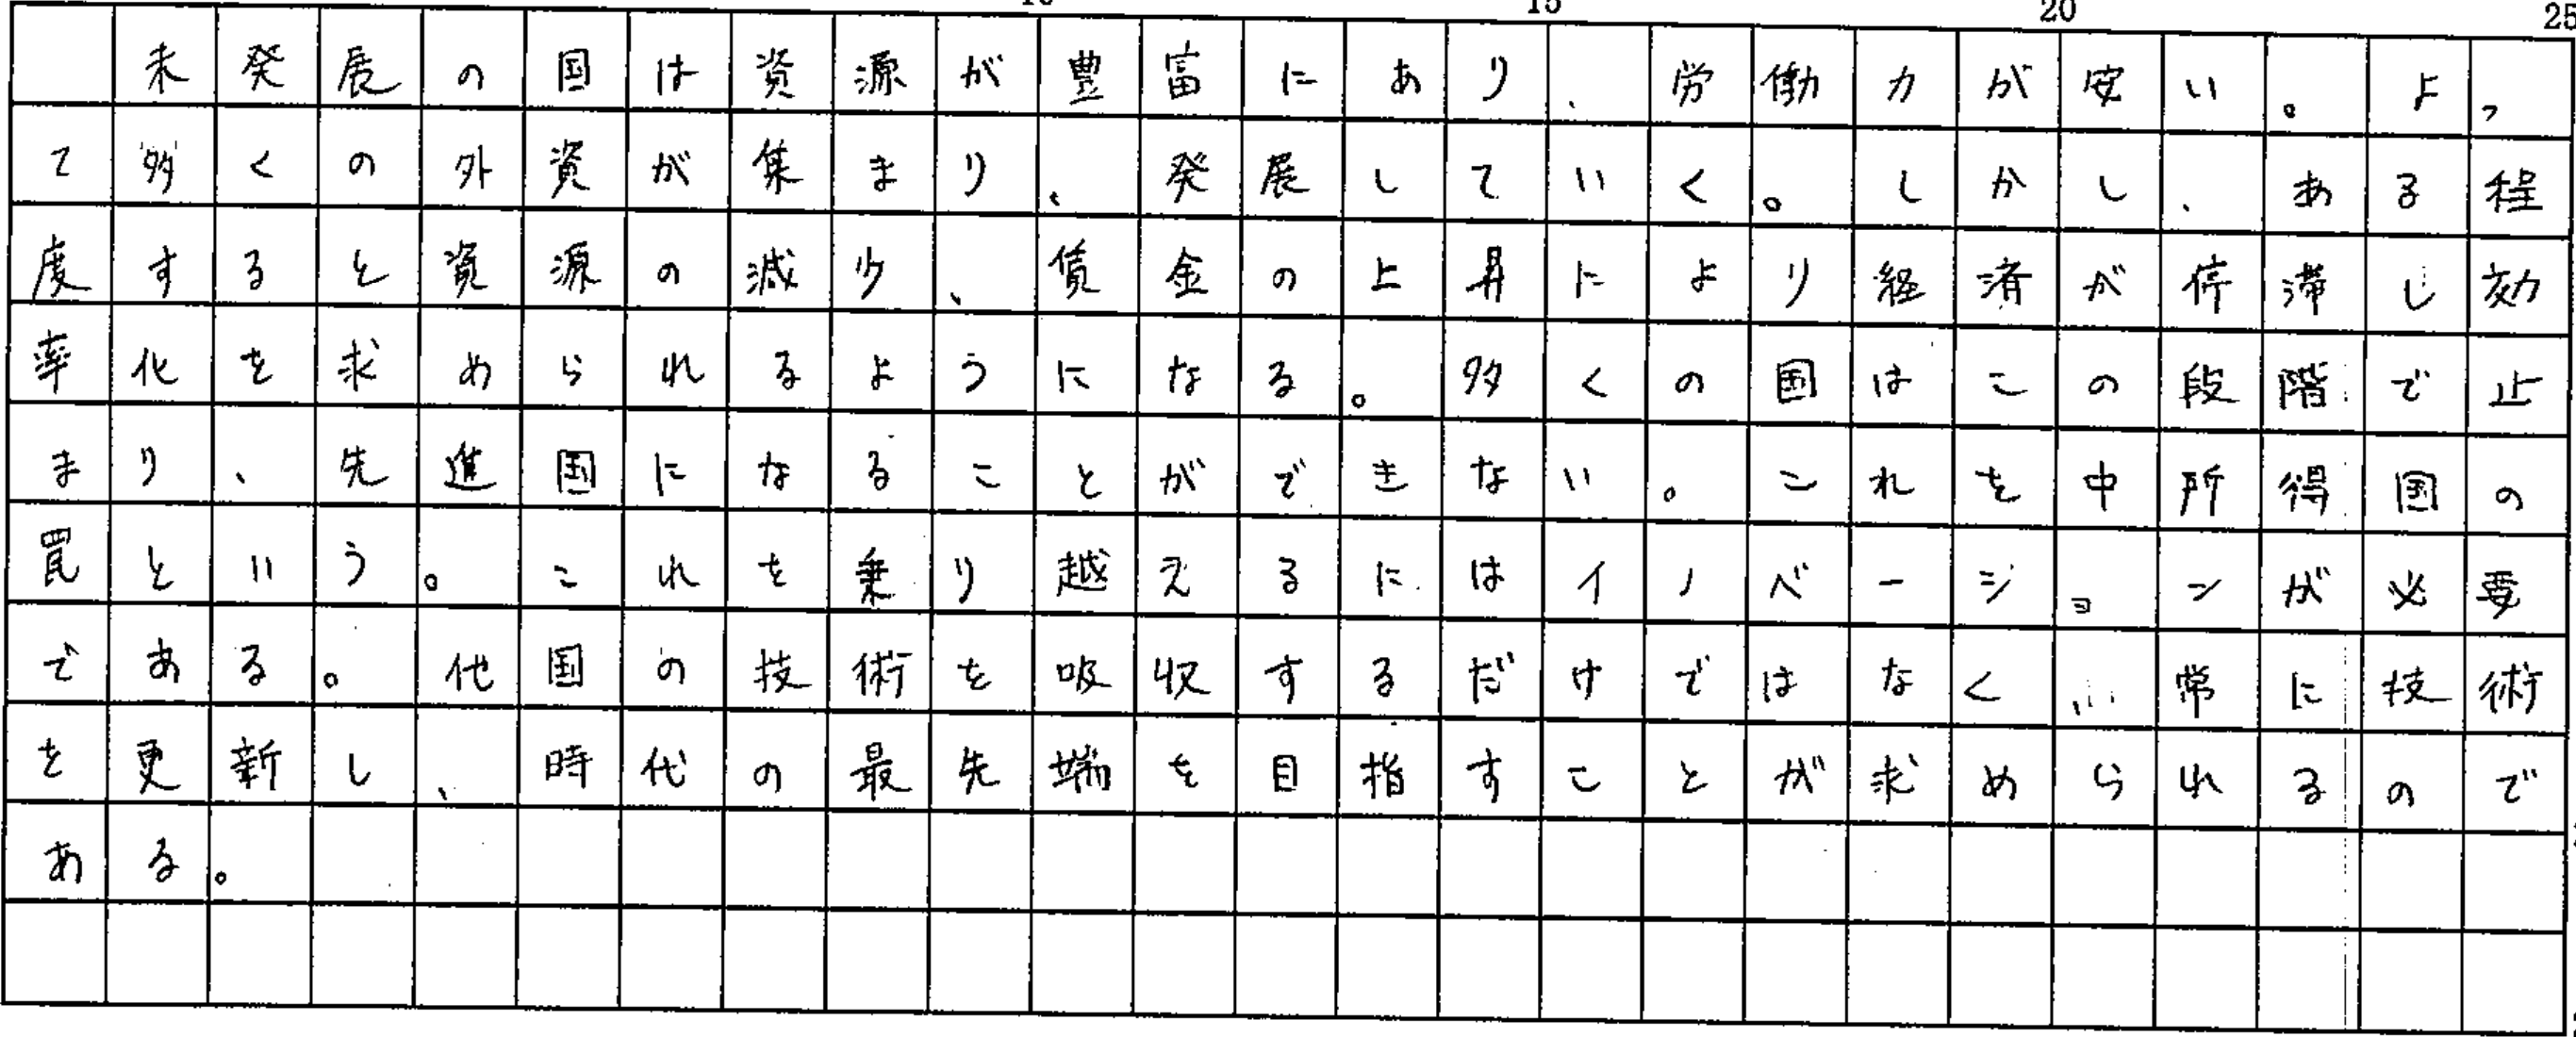　未発展の国は資源が豊富にあり、労働力が安い。よって多くの外資が集まり、発展していく。しかし、ある程度すると資源の減少、賃金の上昇により経済が停滞し効率化を求められるようになる。多くの国はこの段階で止まり、先進国になることができない。これを中所得国の罠という。これを乗り越えるにはイノベーションが必要である。他国の技術を吸収するだけではなく、常に技術を更新し、時代の最先端を目指すことが求められるのである。
